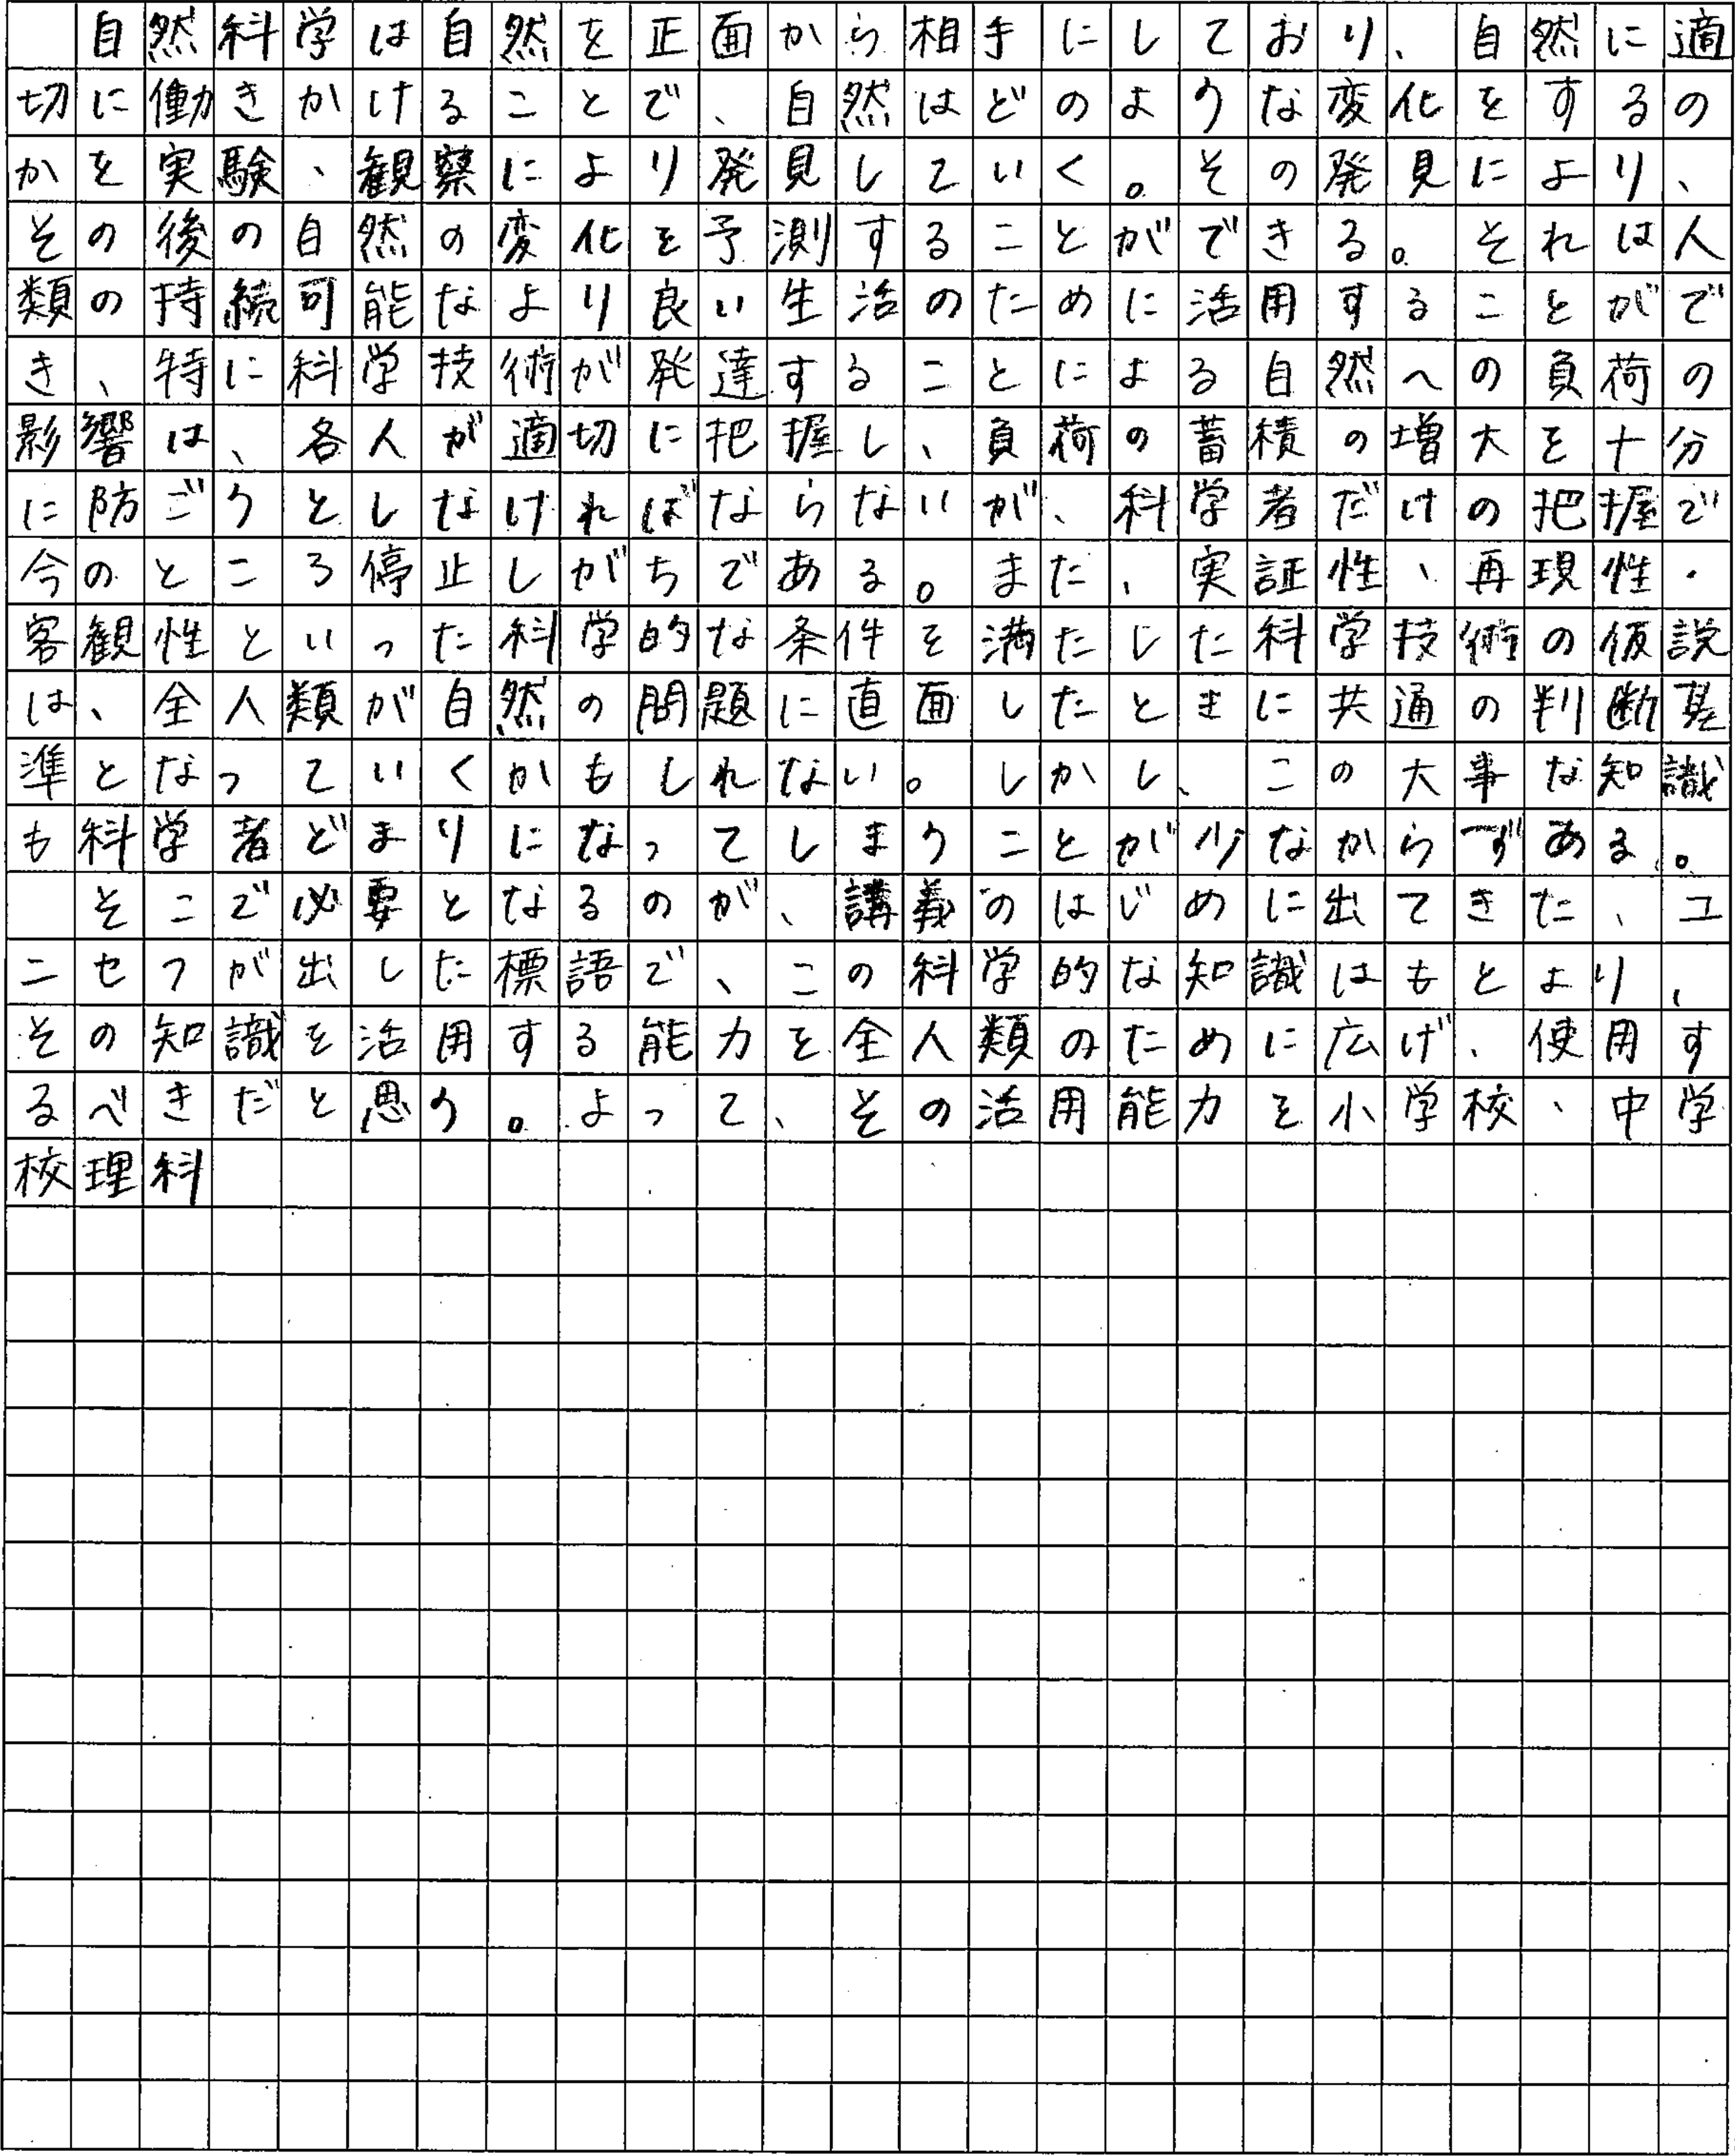　自然科学は自然を正面から相手にしており、自然に適切に働きかけることで、自然はどのような変化をするのかを実験・観察により発見していく。その発見により、その後の自然の変化を予測することができる。それは人類の持続可能なより良い生活のために活用することができ、特に科学技術が発達することによる自然への負荷の影響は、各人が適切に把握し、負荷の蓄積の増大を十分に防ごうとしなければならないが、科学者だけの把握で今のところ停止しがちである。また、実証性・再現性・客観性といった科学的な条件を満たした科学技術の仮説は、全人類が自然の問題に直面したときに共通の判断基準となっていくかもしれない。しかし、この大事な知識も科学者どまりになってしまうことが少なからずある。
　そこで必要となるのが、講義のはじめに出てきた、ユニセフが出した標語で、この科学的な知識はもとより、その知識を活用する能力を全人類のために広げ、使用するべきだと思う。よって、その活用能力を小学校、中学校理科
